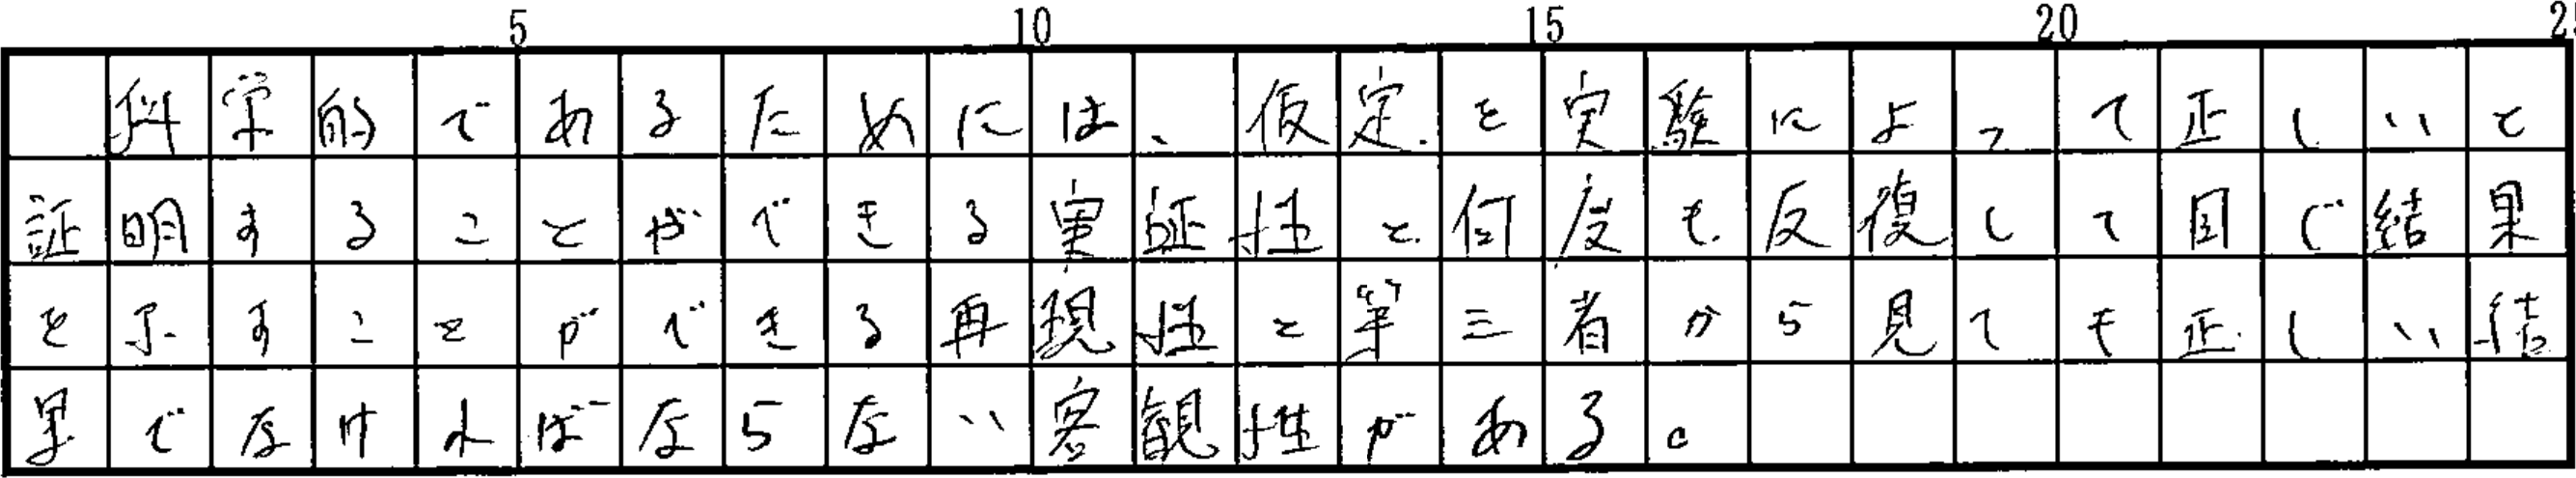　科学的であるためには、仮定を実験によって正しいと証明することができる実証性と何度も反復して同じ結果を示すことができる再現性と▁三者から見ても正しい結果でなければならない客観性がある。
